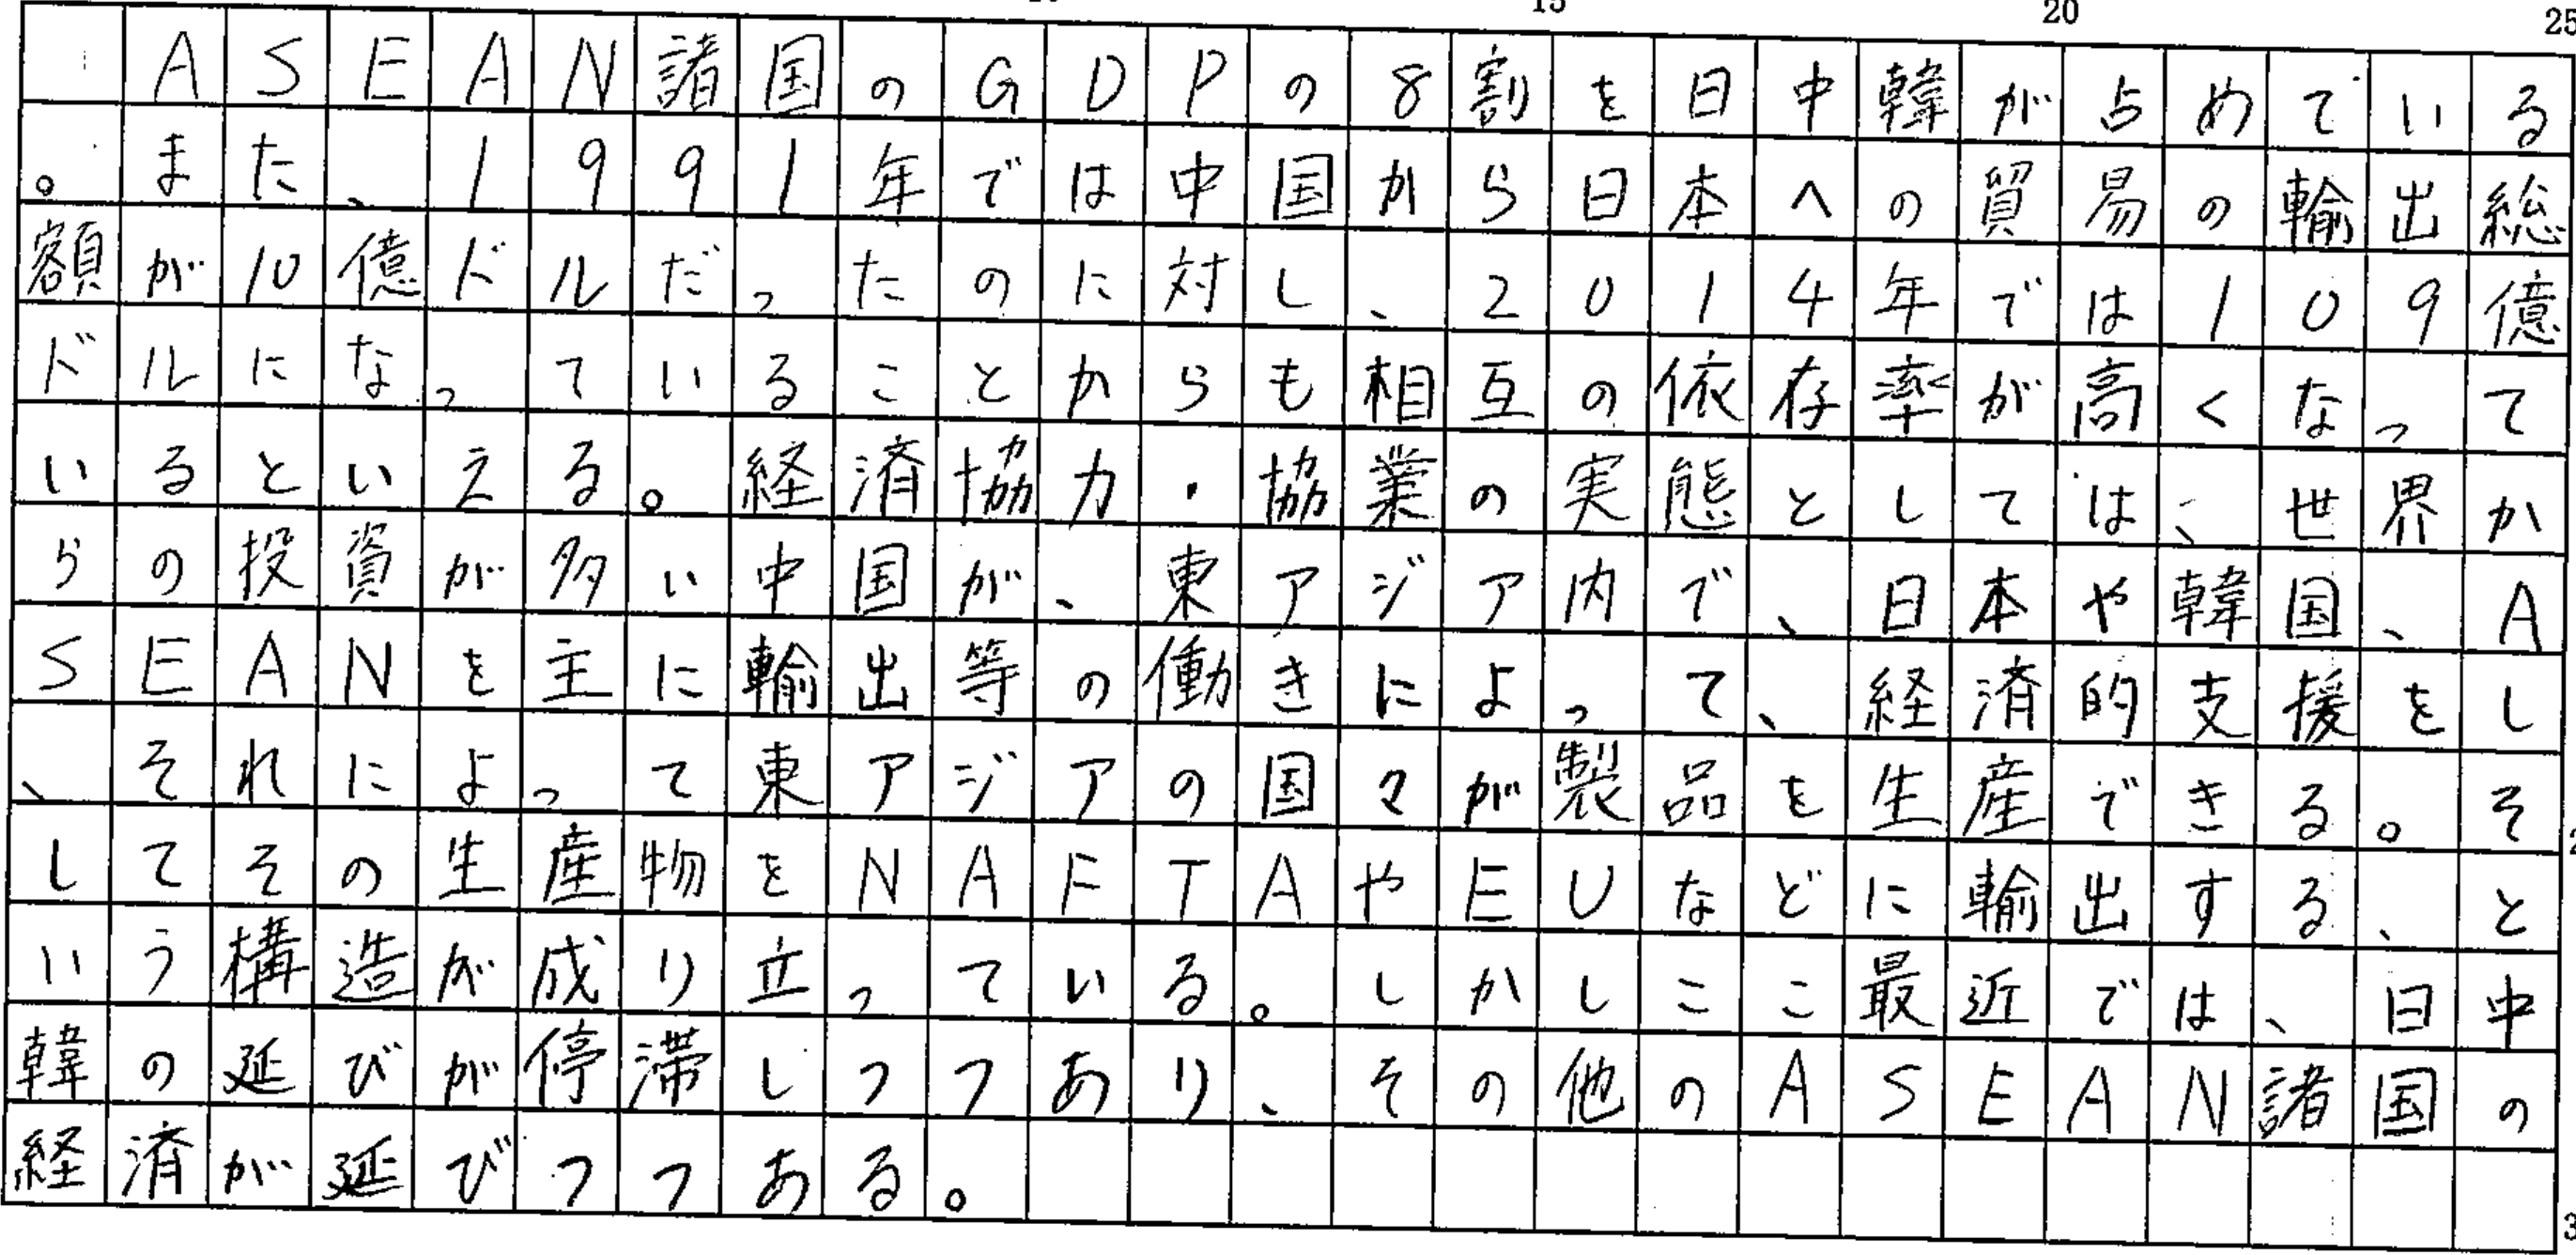　ＡＳＥＡＮ諸国のＧＤＰの８割を日中韓が占めている。また、１９９１年では中国から日本への貿易の輸出総額が10億ドルだったのに対し、２０１４年では１０９億ドルになっていることからも相互の依存率が高くなっているといえる。経済協力・協業の実態としては、世界からの投資が多い中国が、東アジア内で、日本や韓国、ＡＳＥＡＮを主に輸出等の働きによって、経済的支援をし、それによって東アジアの国々が製品を生産できる。そしてその生産物をＮＡＦＴＡやＥＵなどに輸出する、という構造が成り立っている。しかしここ最近では、日中韓の延びが停滞しつつあり、その他のＡＳＥＡＮ諸国の経済が延びつつある。
